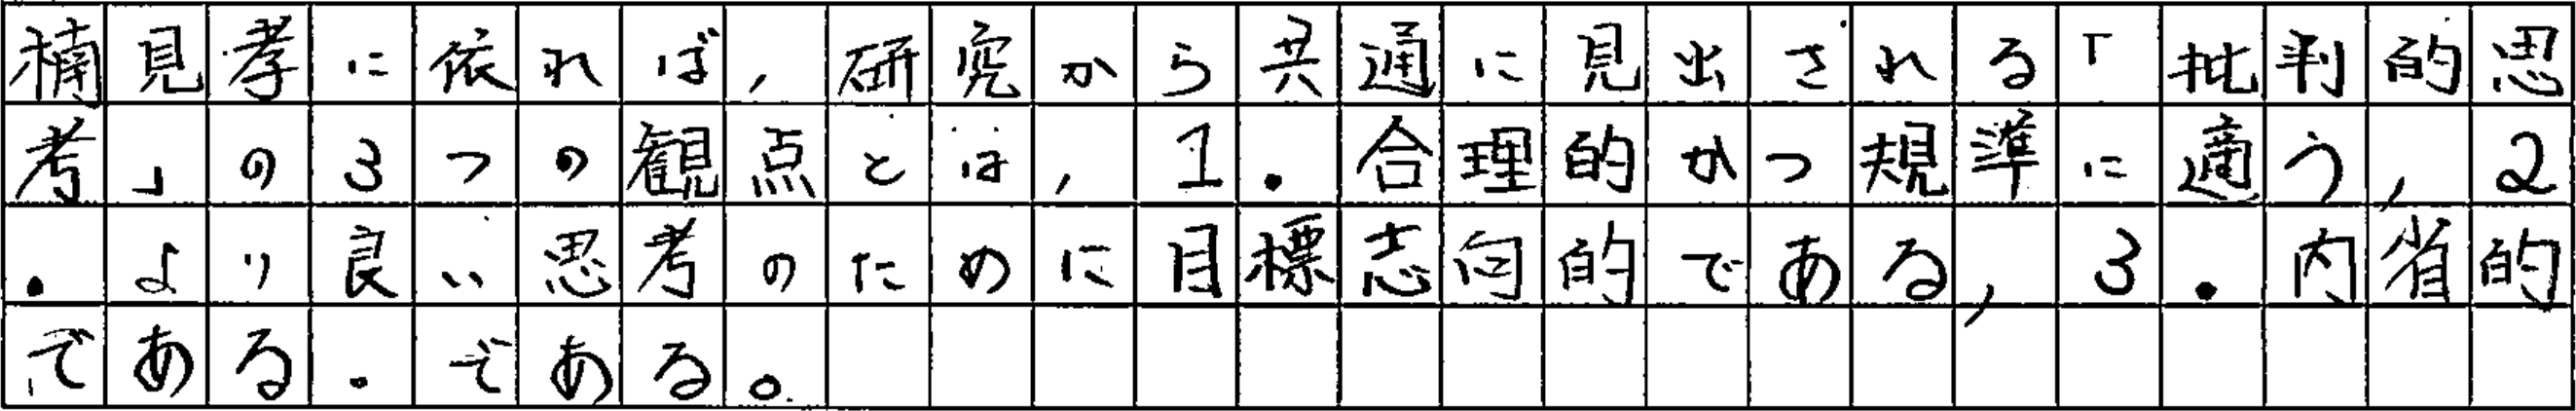楠見孝に依れば、研究から共通に見出される「批判的思考」の３つの観点とは、１．合理的かつ規準に適う、２．より良い思考のために目標志向的である、３．内省的である．である。
